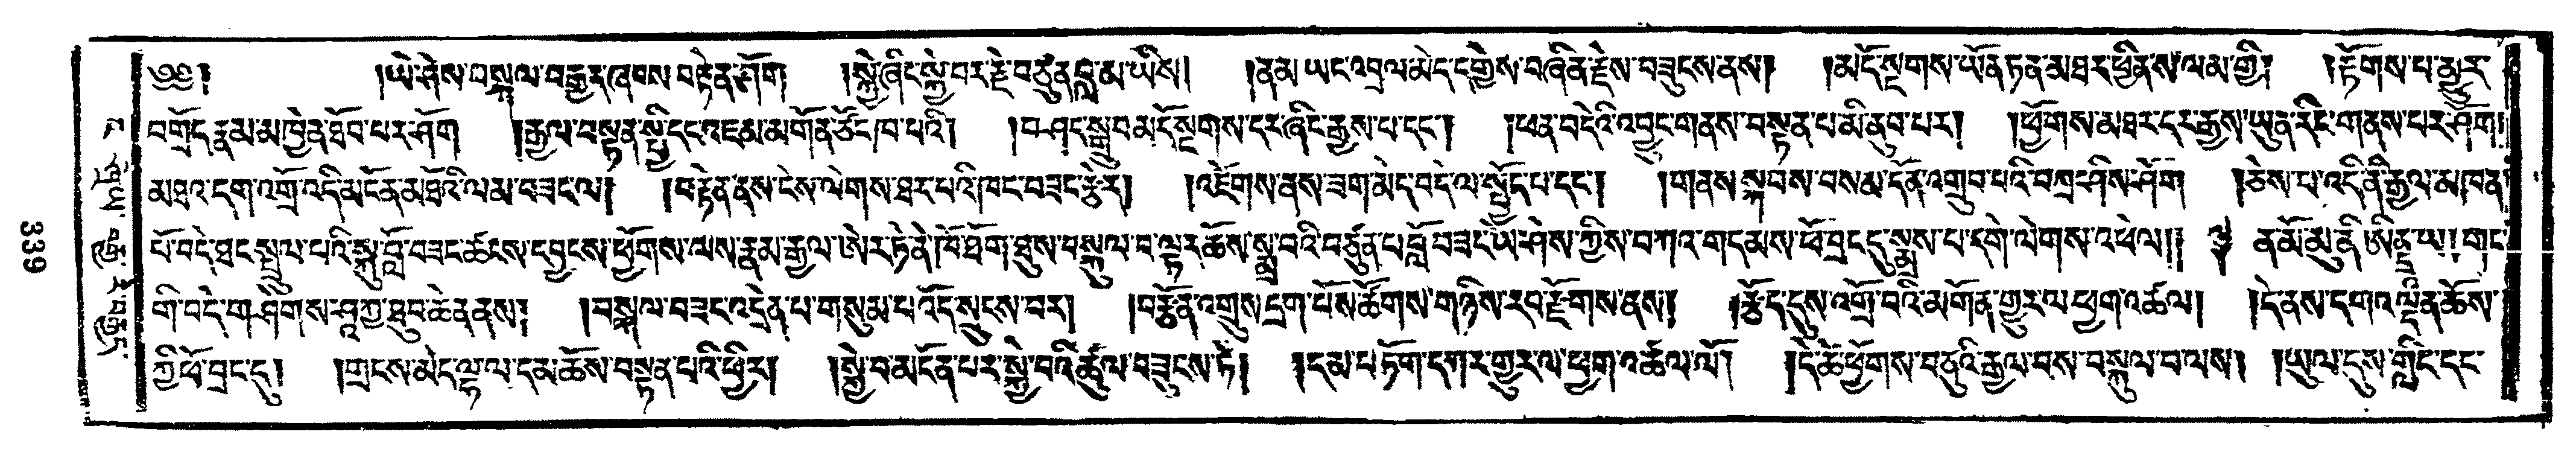༄༅། །ཡེ་ཤེས་བསྐལ་བརྒྱད་ཞབས་བརྟེན་ཤོག །སྐྱེ་ཞིང་སྐྱེས་བར་རྗེ་བཙུན་བླ་མ་ཡིས། །ནམ་ཡང་འབྲལ་མེད་དགྱེས་བཞིན་རྗེས་བཟུང་ནས། །མདོ་སྔགས་ཡོན་ཏན་མཐར་ཕྱིན་ས་ལམ་གྱི། །རྟོགས་པ་མྱུར་
བགྲོད་རྣམ་མཁྱེན་ཐོབ་པར་ཤོག །རྒྱལ་བསྟན་སྤྱི་དང་འཇམ་མགོན་རྩོང་ཁ་པའི། །བཤད་སྒྲུབ་མདོ་སྔགས་དར་ཞིང་རྒྱས་པ་དང་། །ཕན་བདེའི་འབྱུང་གནས་བསྟན་པ་མི་ནུབ་པར། །ཕྱོགས་མཐར་དར་རྒྱས་ཡུན་རིང་གནས་པར་ཤོག།
མཐའ་དག་འགྲོ་འདི་མངོན་མཐོའི་ལམ་བཟང་ལ། །བརྟེན་ནས་ངེས་ལེགས་ཐར་པའི་ཁང་བཟང་རྩེར། །འཇོགས་ནས་ཟག་མེད་བདེ་ལ་སྤྱོད་པ་དང་། །གནས་སྐབས་བསམ་དོན་འགྲུབ་པའི་བཀྲ་ཤིས་ཤོག །ཅེས་པ་འདི་ནི་རྒྱལ་མཁན་
པོ་བདེ་ཐང་སྤྲུལ་པའི་སྐུ་བློ་བཟང་ཚངས་དབྱངས་ཕྱོགས་ལ་རྣམ་རྒྱལ་ཨེར་ཏེ་ནེ་ཁོ་ཐོག་ཐུས་བསྐུལ་བ་ལྟར་ཆོས་སྨྲ་བའི་བཙུན་པ་བློ་བཟང་ཡེ་ཤེས་ཀྱིས་བཀའ་གདམས་ཕོ་བྲང་དུ་སྨྲས་པ་དགེ་ལེགས་འཕེལ།། ༈ ན་མོ་མུ་ནི་ཨིནྡྲཱ་ཡ། གང་
གི་བདེ་གཤེགས་ཤཱཀྱ་ཐུབ་ཆེན་ནས། །བསྐལ་བཟང་འདྲེན་པ་གསུམ་པ་འོད་སྲུངས་བར། །བརྩོན་འགྲུས་དྲག་པོས་ཚོགས་གཉིས་རབ་རྫོགས་ནས། །རྩོད་དུས་འགྲོ་བའི་མགོན་གྱུར་ལ་ཕྱག་འཚལ། །དེ་ནས་དགའ་ལྡན་ཆོས་
ཀྱི་ཕོ་བྲང་དུ། །གྲངས་མེད་ལྷ་ལ་དམ་ཆོས་བསྟན་པའི་ཕྱིར། །སྐྱེ་བ་མངོན་པར་སྐྱེ་བའི་ཚུལ་བཟུང་སྟེ། །དམ་པ་ཏོག་དཀར་གྱུར་ལ་ཕྱག་འཚལ་ལོ། །དེ་ཆོས་ཕྱོགས་བཅུའི་རྒྱལ་བས་བསྐུལ་བ་ལས། །ཡུལ་དུས་གླིང་དང་